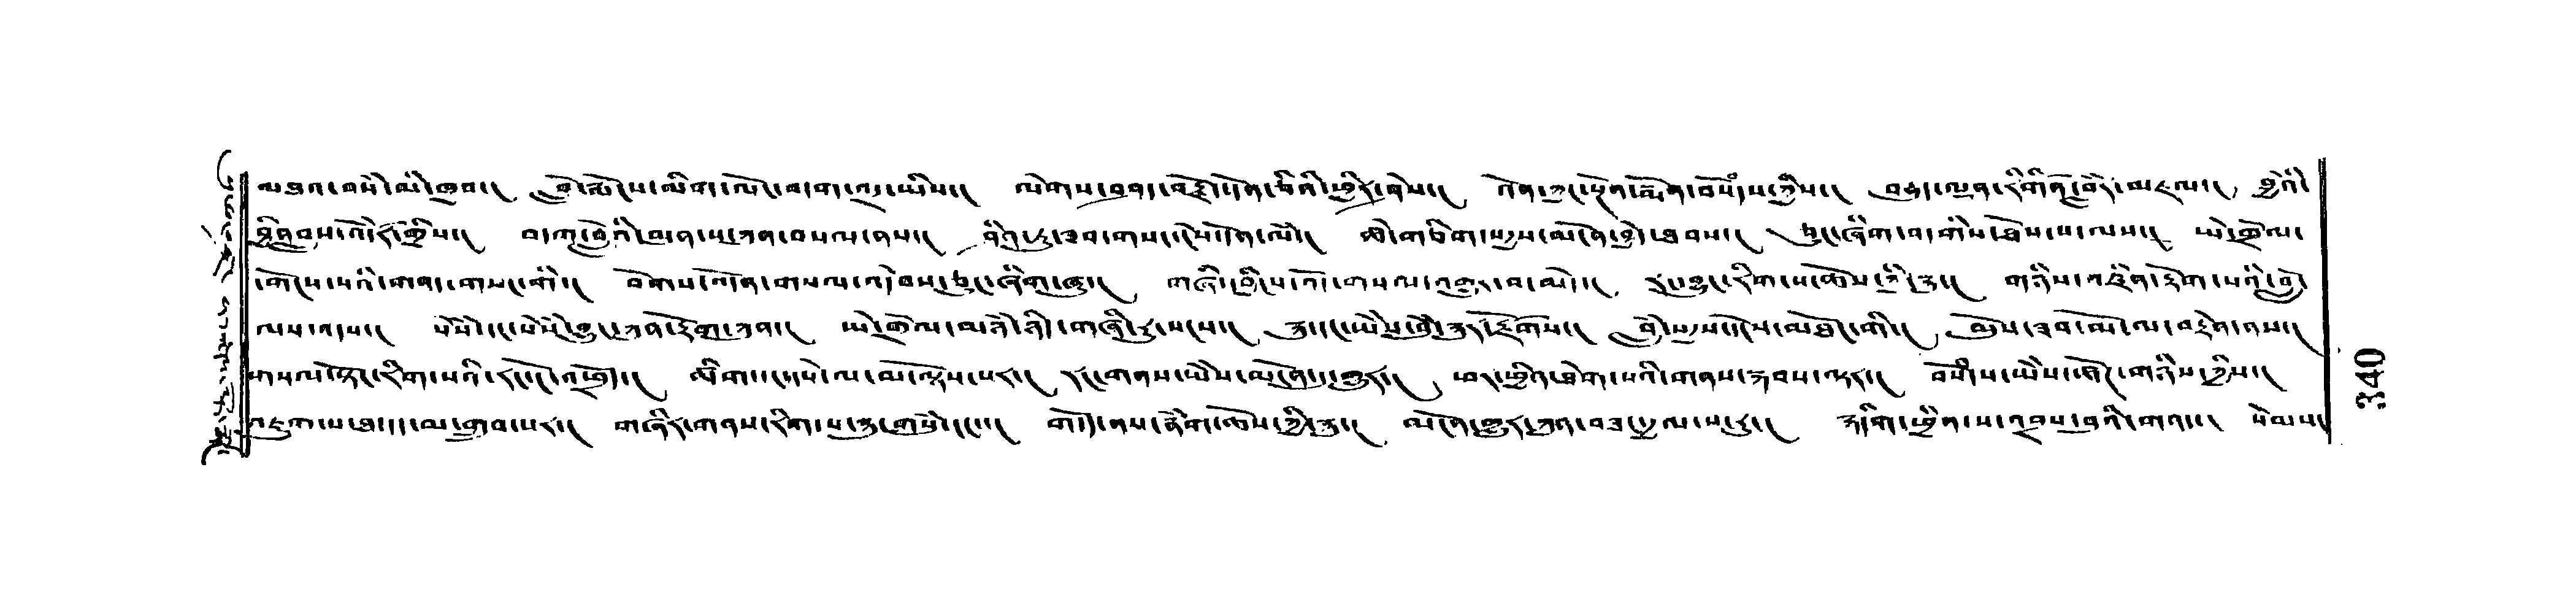མཐའ་བསམ་མི་ཁྱབ། །བློ་རྨོངས་མིག་ལོང་བདག་འདྲ་ཡིས། །ལེགས་བཤད་བརྗོད་དོན་ཅིའི་ཕྱིར་ཤེས། །འོན་ཀྱང་སྔོན་སྨོན་བསོད་ནམས་ཀྱིས། །བརྒྱུད་ལྡན་རིག་འཛིན་བླ་མར་མཇལ། །ཐུགས་རྗེའི་
བྱིན་རླབས་འོད་ཟེར་གྱིས། །བདག་བློའི་མུན་པ་ཀུན་བསལ་ནས། །ཤིན་ཏུ་ཟབ་གསང་ངེས་དོན་ལམ། །ཚེ་གཅིག་སངས་རྒྱས་མངོན་བྱེད་ཐབས། །ཅུང་ཞིག་བདག་གིས་ཐོས་པ་ལས། །ཡེ་གྲོལ་
དགོངས་པའི་གནད་གསང་གི།བོགས་འདོན་གསལ་འདེབས་ཅུང་ཞིག་ཞུ། །གཞི་དབྱིངས་འོད་གསལ་འགྱུར་བ་མེད། །རང་བྱུང་རིག་པ་ཆོས་ཀྱི་སྐུ། །གཉིས་འཛིན་རྟོག་པའི་བློ་
ལས་འདས། །སེམས་དང་སེམས་བྱུང་ཀུན་རྟོག་ཀུན། །ཡེ་གྲོལ་མཉམ་ཉིད་གཞི་རུ་སངས། །སྐུ་དང་ཡེ་ཤེས་བུམ་སྐུར་རྫོགས། །བླ་མ་སངས་རྒྱས་དངོས་མཐོང་གི །མོས་གུས་ཟབ་མོ་ལ་བརྟེན་ནས། །
གསལ་སྟོང་རིག་པའི་རང་ངོ་འཕྲོད། །ཚིག་དང་དཔེ་ལ་མ་ལྟོས་པར། །རང་གནས་ཡེ་ཤེས་མངོན་དུ་གྱུར། །ཕར་ཕྱིན་ཐེག་པའི་གནས་སྐབས་ལྟར། །བསོད་ནམས་ཡེ་ཤེས་ཚོགས་གཉིས་ཀྱིས། །
འཇུག་པ་ཐ་དད་མ་གྲུབ་པར། །གཞིར་གནས་རིག་པ་སྐུ་གསུམ་ངང་། །གདོད་ནས་རྣམ་དག་ཆོས་ཀྱི་སྐུ། །མངོན་གྱུར་ཀུན་བཟང་རྒྱལ་ས་རུ། །སྐད་ཅིག་ཕྱིན་པ་འབྲས་བུའི་གནད། །སེམས་